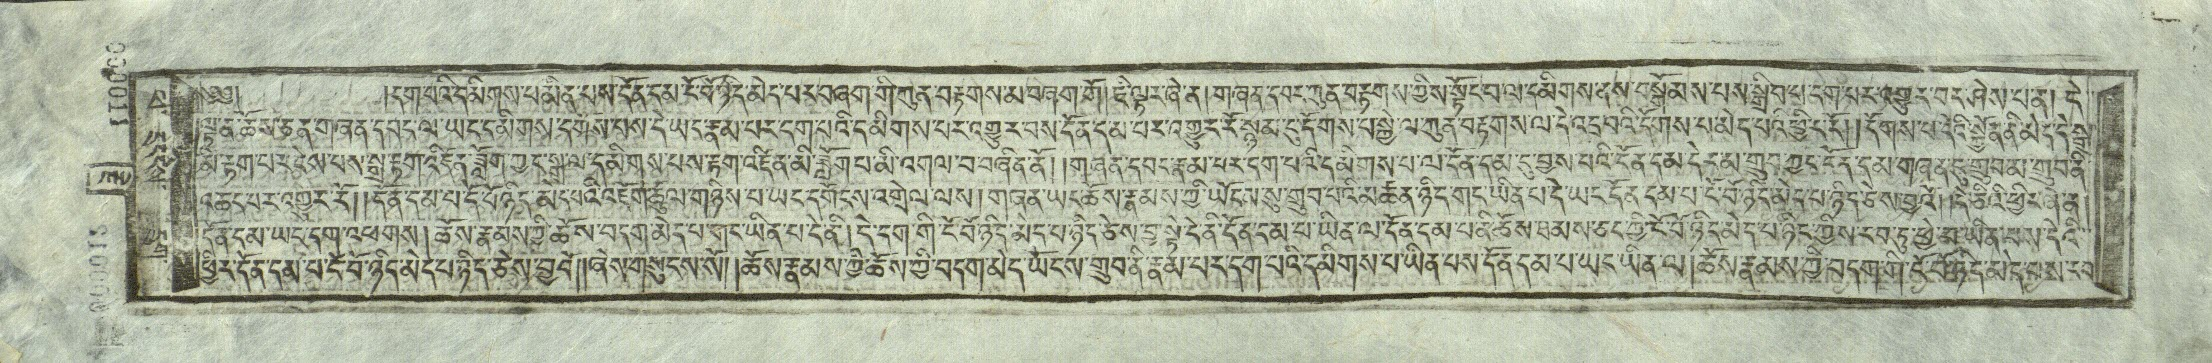༄༅། །དག་པའི་དམིགས་པ་མིན་པས་དོན་དམ་ངོ་བོ་ཉིད་མེད་པར་བཞག་གི་ཀུན་བརྟགས་མ་བཞག་གོ ། ཇི་ལྟར་ཞེ་ན། གཞན་དབང་ཀུན་བརྟགས་ཀྱིས་སྟོང་པ་ལ་དམིགས་ནས་བསྒོམས་པས་སྒྲིབ་པ་དག་བར་འགྱུར་བར་ཤེས་པ་ན། དེ་
ལྟ་ན་ཆོས་ཅན་གཞན་དབང་ལ་ཡང་དམིགས་དགོས་པས་དེ་ཡང་རྣམ་པར་དག་པའི་དམིགས་པར་འགྱུར་བས་དོན་དམ་པར་འགྱུར་རོ་སྙམ་དུ་དོགས་པ་སྐྱེ་ལ་ཀུན་བརྟགས་ལ་དེ་འདྲ་བའི་དོགས་པ་མེད་པའི་ཕྱིར་རོ། །དོགས་པ་དེའི་སྐྱོན་ནི་མེད་དེ་སྒྲ་
མི་རྟག་པར་ངེས་པས་སྒྲ་རྟག་འཛིན་ཟློག་ཀྱང་སྒྲ་ལ་དམིགས་པས་རྟག་འཛིན་མི་ཟློག་པ་མི་འགལ་བ་བཞིན་ནོ། །གཞན་དབང་རྣམ་པར་དག་པའི་དམིགས་པ་ལ་དོན་དམ་དུ་བྱས་པའི་དོན་དམ་དེར་མ་གྲུབ་ཀྱང་དོན་དམ་གཞན་དུ་གྲུབ་མ་གྲུབ་ནི་
འཆད་པར་འགྱུར་རོ། །དོན་དམ་པ་ངོ་བོ་ཉིད་མེད་པའི་འཇོག་ཚུལ་གཉིས་པ་ཡང་དགོངས་འགྲེལ་ལས། གཞན་ཡང་ཆོས་རྣམས་ཀྱི་ཡོངས་སུ་གྲུབ་པའི་མཚན་ཉིད་གང་ཡིན་པ་དེ་ཡང་དོན་དམ་པ་ངོ་བོ་ཉིད་མེད་པ་ཉིད་ཅེས་བྱའོ། །དེ་ཅིའི་ཕྱིར་ཞེ་ན།
དོན་དམ་ཡང་དག་འཕགས། ཆོས་རྣམས་ཀྱི་ཆོས་བདག་མེད་པ་གང་ཡིན་པ་དེ་ནི། དེ་དག་གི་ངོ་བོ་ཉིད་མེད་པ་ཉིད་ཅེས་བྱ་སྟེ་དེ་ནི་དོན་དམ་པ་ཡིན་ལ་དོན་དམ་པ་ནི་ཆོས་ཐམས་ཅད་ཀྱི་ངོ་བོ་ཉིད་མེད་པ་ཉིད་ཀྱིས་རབ་ཏུ་ཕྱེ་བ་ཡིན་པས་དེའི་
ཕྱིར་དོན་དམ་པ་ངོ་བོ་ཉིད་མེད་པ་ཉིད་ཅེས་བྱའོ། །ཞེས་གསུངས་སོ། །ཆོས་རྣམས་ཀྱི་ཆོས་ཀྱི་བདག་མེད་ཡོངས་གྲུབ་ནི་རྣམ་པར་དག་པའི་དམིགས་པ་ཡིན་པས་དོན་དམ་པ་ཡང་ཡིན་ལ། ཆོས་རྣམས་ཀྱི་བདག་གི་ངོ་བོ་ཉིད་མེད་པས་རབ་